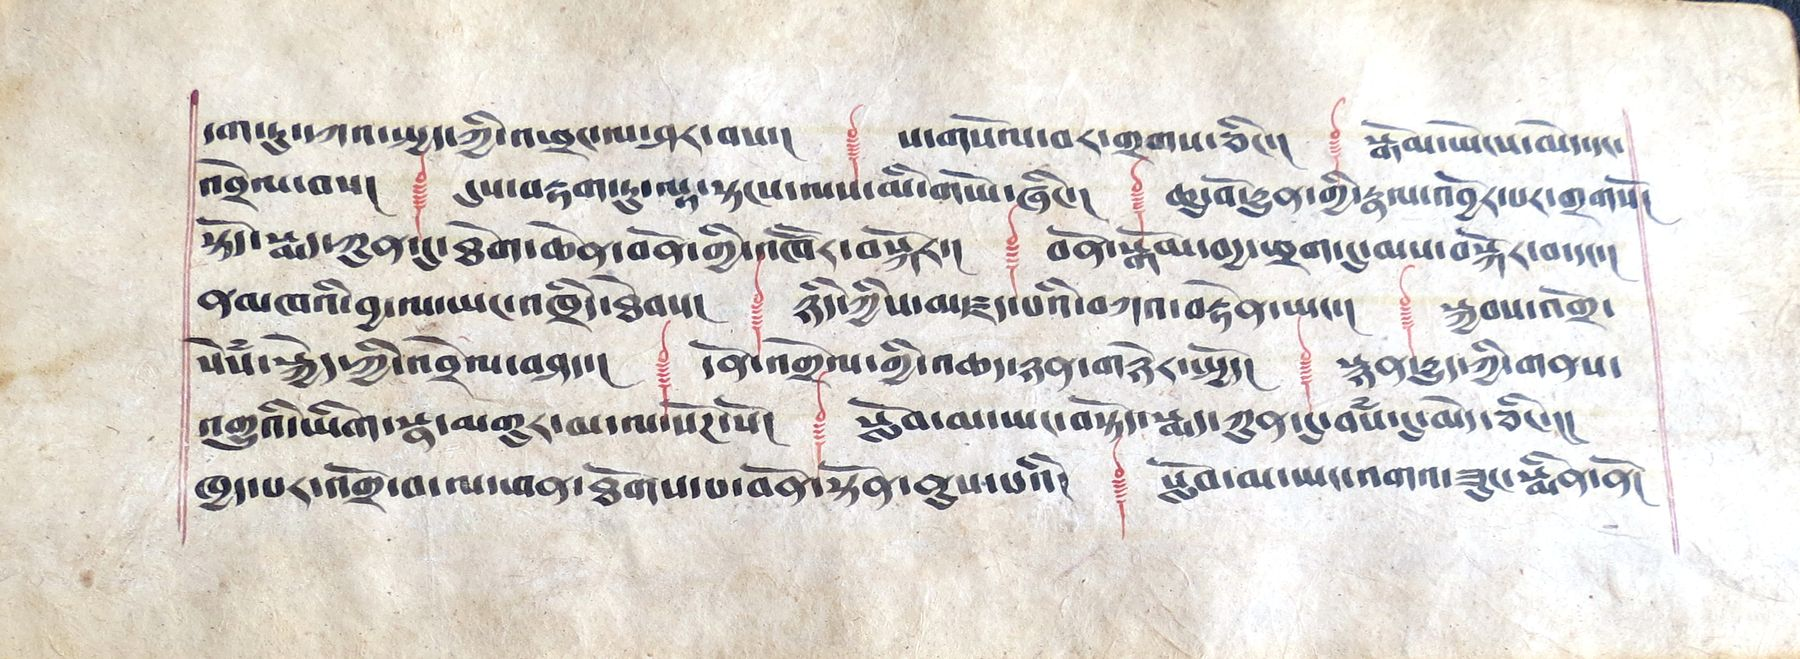དག་ཏུ་དཀའ་སྤྱད་ཀྱི་འཕྲང་ལ་བཤར་བས། ས་གསོལ་བར་གྲགས་ཤིང་། སྒོམ་ཡེངས་མེད་དང་
འབྲེལ་བས། དུས་རྟག་ཏུ་ལྟ་སྟངས་ལས་མི་གཡོ་ཞིང་། ཆུ་བོ་རྒྱུན་གྱི་རྣལ་འབྱོར་བར་གྲགས་སོ། 
སྟོད་སྨད་ཀུན་ཏུ་ཐེག་ཆེན་བོན་གྱི་འཁོར་ལོ་བསྐོར། བོན་སྒོམ་པ་བརྒྱ་ཕྲག་དུ་མར་བསྐོར་བ་དང་། 
ནམ་མཁའི་བྱ་ལ་ཁྲིད་ཐེབས། ཉིད་ཀྱིས་མཛད་པའི་བཀའ་བརྟེན། སྐྱབས་འགྲོ་
སེམས་བསྐྱེད་ཀྱི་འགྲེལ་བཤད། དོན་འགྲེལ་གྱི་འཆད་ཉན་གཉེར་སྤྱོད། སྙན་རྒྱུད་ཀྱི་གནས་
འགྱུའི་ཡིག་སྣ། མགུར་མ་ལས་སོགས་མང་ངོ། ། སློབ་མ་ཡང་སྟོད་སྨད་ཀུན་ཏུ་བསམ་དུ་མེད་ཅིང་། 
ཁྱད་པར་འགྲོ་བ་ལ་ཕན་ཐོགས་པ་བོན་སྟོན་ནུས་པའི། སློབ་མ་ཡང་འགའ་ཟུང་སྨིན་ནོ། །